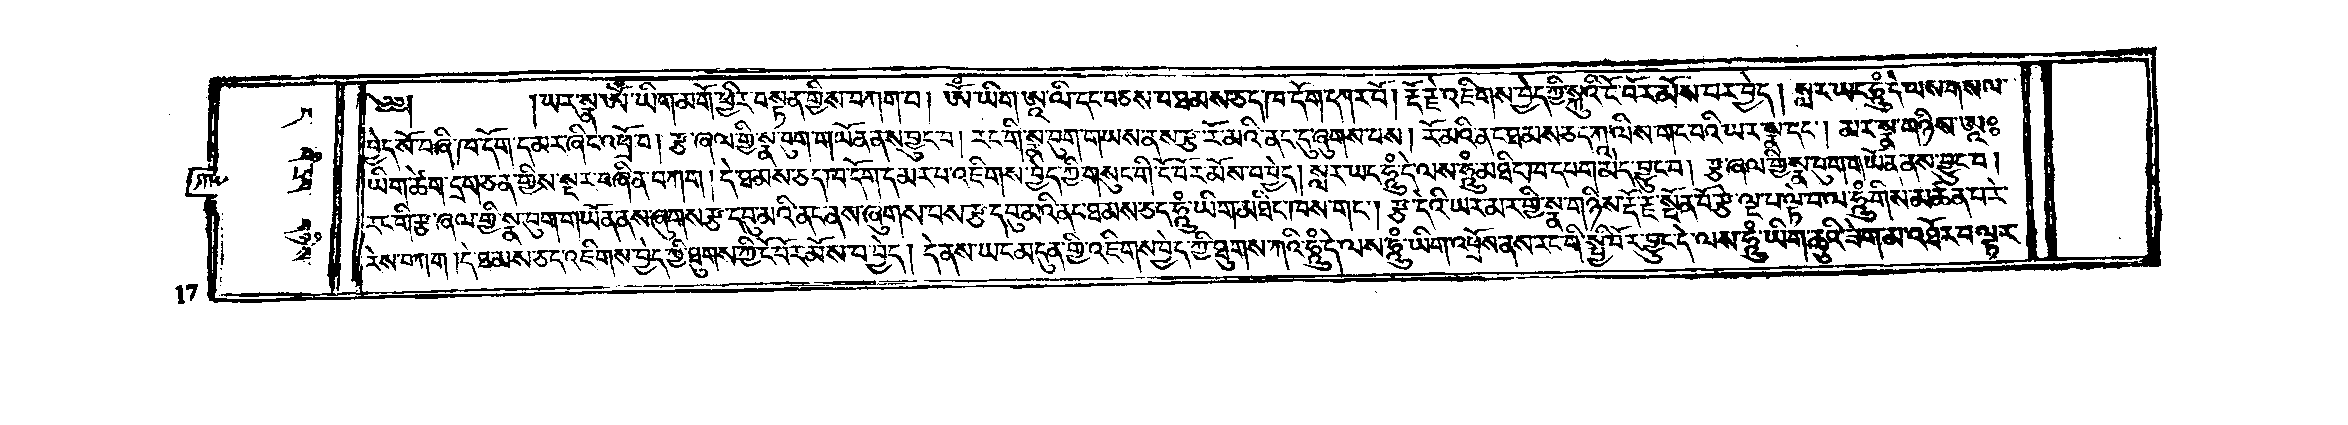༄༅། །ཡར་སྣ་ཨོཾ་ཡིག་མགོ་ཕྱིར་བསྟན་གྱིས་བཀག་པ། ཨོཾ་ཡིག་ཨཱ་ལི་དང་བཅས་པ་ཐམས་ཅད་ཁ་དོག་དཀར་པོ། རྡོ་རྗེ་འཇིགས་བྱེད་ཀྱི་སྐུའི་ངོ་བོར་མོས་པར་བྱེད། སླར་ཡང་ཧཱུཾ་དེ་ལས་གསལ་
བྱེད་སོ་བཞི་ཁ་དོག་དམར་ཞིང་འཕྲོ་བ། རྩ་ཞལ་གྱི་སྣ་བུག་གཡོན་ནས་བྱུང་བ། རང་གི་སྣ་བུག་གཡས་ནས་རྩ་རོ་མའི་ནང་དུ་ཞུགས་པས། རོ་མའི་ནང་ཐམས་ཅད་ཀཱ་ལིས་གང་བའི་ཡར་སྣ་དང་། མར་སྣ་གཉིས་ཨཱཿ
ཡིག་ཚེག་དྲག་ཅན་གྱིས་སྔར་བཞིན་བཀག། དེ་ཐམས་ཅད་ཁ་དོག་དམར་པོ་འཇིགས་བྱེད་ཀྱི་གསུང་གི་ངོ་བོར་མོས་པ་བྱེད། སླར་ཡང་ཧཱུཾ་དེ་ལས་ཧཱུཾ་མཐིང་ཁ་དཔག་མེད་བྱུང་བ། རྩ་ཞལ་གྱི་སྣ་བུག་གཡོན་ནས་བྱུང་བ།
རང་གི་རྩ་ཞལ་གྱི་སྣ་བུག་གཡོན་ནས་ཞུགས་རྩ་དབུ་མའི་ནང་ནས་ཞུགས་པས་རྩ་དབུ་མའི་ནང་ཐམས་ཅད་ཧཱུཾ་ཡིག་མཐིང་ཁས་གང་། རྩ་དེའི་ཡར་མར་གྱི་སྣ་གཉིས་རྡོ་རྗེ་སྔོན་པོ་རྩེ་ལྔ་པ་ལྟེ་བ་ལ་ཧཱུཾ་གིས་མཚན་པ་རེ་
རེས་བཀག །དེ་ཐམས་ཅད་འཇིགས་བྱེད་ཀྱི་ཐུགས་ཀྱི་ངོ་བོར་མོས་པ་བྱེད། དེ་ནས་ཡང་མདུན་གྱི་འཇིགས་བྱེད་ཀྱི་ཐུགས་ཀའི་ཧཱུཾ་དེ་ལས་ཧཱུཾ་ཡིག་འཕྲོས་ནས་རང་གི་སྤྱི་བོར་བྱུང་དེ་ལས་ཧཱུཾ་ཡིག་ཆུའི་ཟེག་མ་འཐོར་བ་ལྟར་